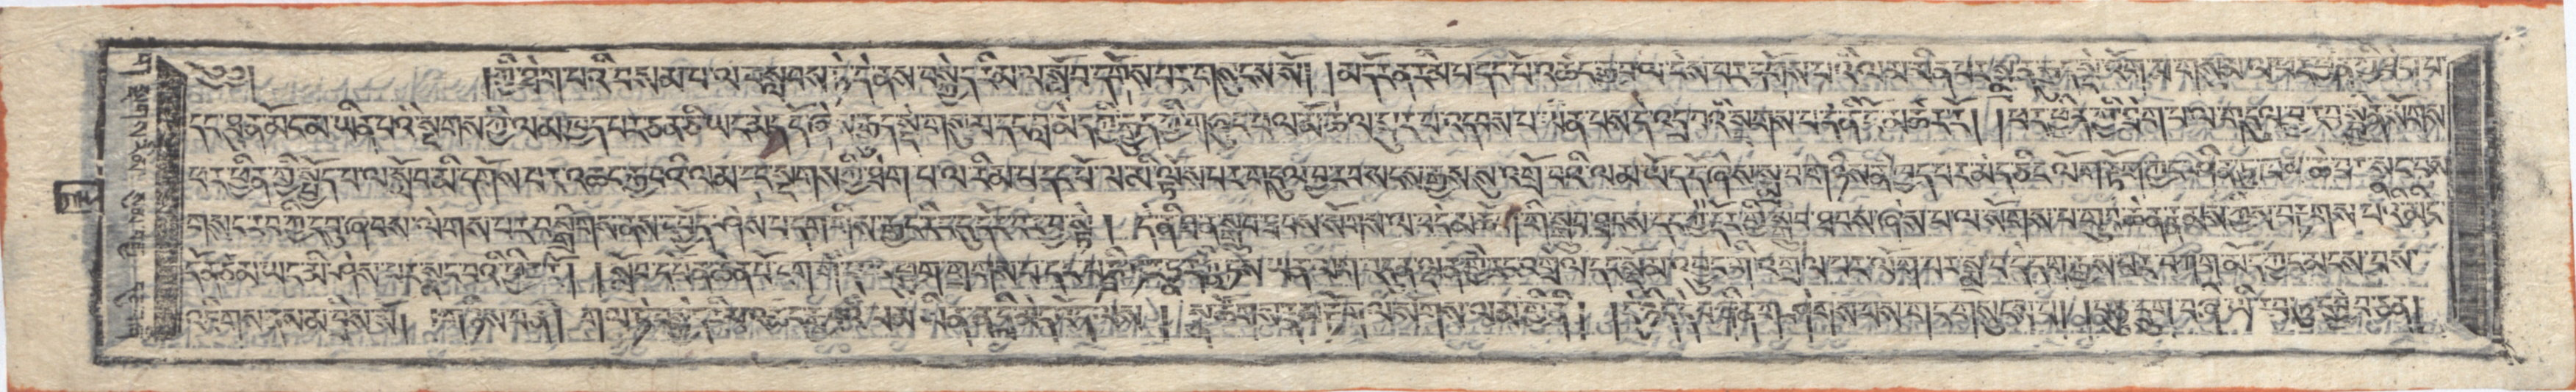༄༅། །ཀྱི་ཐེག་པའི་བསམ་པ་ལ་བསླབས་ཏེ་དེ་ནས་བསྐྱེད་རིམ་ལ་སློབ་དགོས་པར་གསུངས་སོ། །མདོར་ན་རིམ་པ་དང་པོ་འཚང་རྒྱ་བ་ལ་ངེས་པར་དགོས་པའི་ལམ་མིན་པར་སྨྲ་ན་རྒྱུད་སྡེ་འོག་མ་གསུམ་ལ་ཕར་ཕྱིན་གྱི་ཐེག་པ་
དང་ཐུན་མོང་མ་ཡིན་པའི་སྔགས་ཀྱི་ལམ་ཁྱད་པར་ཅན་ཅི་ཡང་མེད་དོ་ཞེས་རྒྱུད་སྡེ་གསུམ་དང་བླ་མེད་ཀྱི་རྒྱུད་ཀྱི་གཞུང་ཕལ་མོ་ཆེ་ལ་སྐུར་པ་འདེབས་པ་ཡིན་པས་དེ་འདྲ་བའི་སྔགས་པ་དེ་ནི་ངོ་མཚར་རོ། །ཕར་ཕྱིན་གྱི་ཐེག་པ་ལ་གདུལ་བྱ་རབ་སྦྱིན་སོགས་
ཕར་ཕྱིན་གྱི་སྤྱོད་པ་ལ་སློབ་མི་དགོས་པར་འཆང་རྒྱ་བའི་ལམ་དང་སྔགས་ཀྱི་ཐེག་པ་ལ་རིམ་པ་དང་པོ་ལ་མི་ལྟོས་པར་གདུལ་བྱ་རབ་སངས་རྒྱས་སུ་འགྲོ་བའི་ལམ་ཡོད་དོ་ཞེས་སྨྲ་བ་གཉིས་ནི་ཁྱད་པར་མེད་ཅིང་ལོག་རྟོག་ཀྱང་ཤིན་ཏུ་ཁམ་ཆེ་བར་སྣང་བས་
གསུང་རབ་ཀྱི་དབུ་ཞབས་ལེགས་པར་བསྒྲིགས་ནས་དཔྱོད་ཤེས་པ་དག་གིས་རྒྱང་རིང་དུ་དོར་བར་བྱ་སྟེ། དེ་ནི་ཐ་ན་སྒྲུབ་ཐབས་སོགས་ལ་བདེ་མཆོག་གི་སྒྲུབ་ཐབས་དང་ཀྱི་རྡོར་གྱི་སྒྲུབ་ཐབས་ཞེས་པ་ལ་སོགས་པ་གྲུབ་ཆེན་རྣམས་ཀྱིས་བརྟགས་པའི་མིང་
དོན་ཙམ་ཡང་མི་ཤེས་པར་སྣང་བའི་ཕྱིར་རོ། །སློབ་དཔོན་ཆེན་པོ་ངག་གི་དབང་ཕྱུག་གྲགས་པ་དང་པཎྜི་ཏ་རཏྣ་རཀྵི་ཏས་ཡན་ལག་བདུན་ལྡན་གྱི་རང་འགྲེལ་དང་སྡོམ་འབྱུང་གི་འགྲེལ་པར་ལོག་པར་སྨྲ་བ་དེ་དག་རྒྱས་པར་བཀག་མོད་ཀྱང་མངས་པས་
འཇིགས་ནས་མ་བྲིས་སོ། །གཉིས་པ་ནི། གལ་ཏེ་བསྐྱེད་རིམ་འཚང་རྒྱ་བའི་ལམ་ཡིན་ན་དྲི་མེད་འོད་ལས། སྣ་ཚོགས་རྣམ་རྟོག་ལ་སོགས་ལམ་གྱི་ནི། །དེ་ཉིད་དེ་བཞིན་གཤེགས་པས་གང་གསུངས་པ། །བཅུ་དྲུག་བཞི་ཡི་རབ་ཏུ་དབྱེ་བ་ཅན།